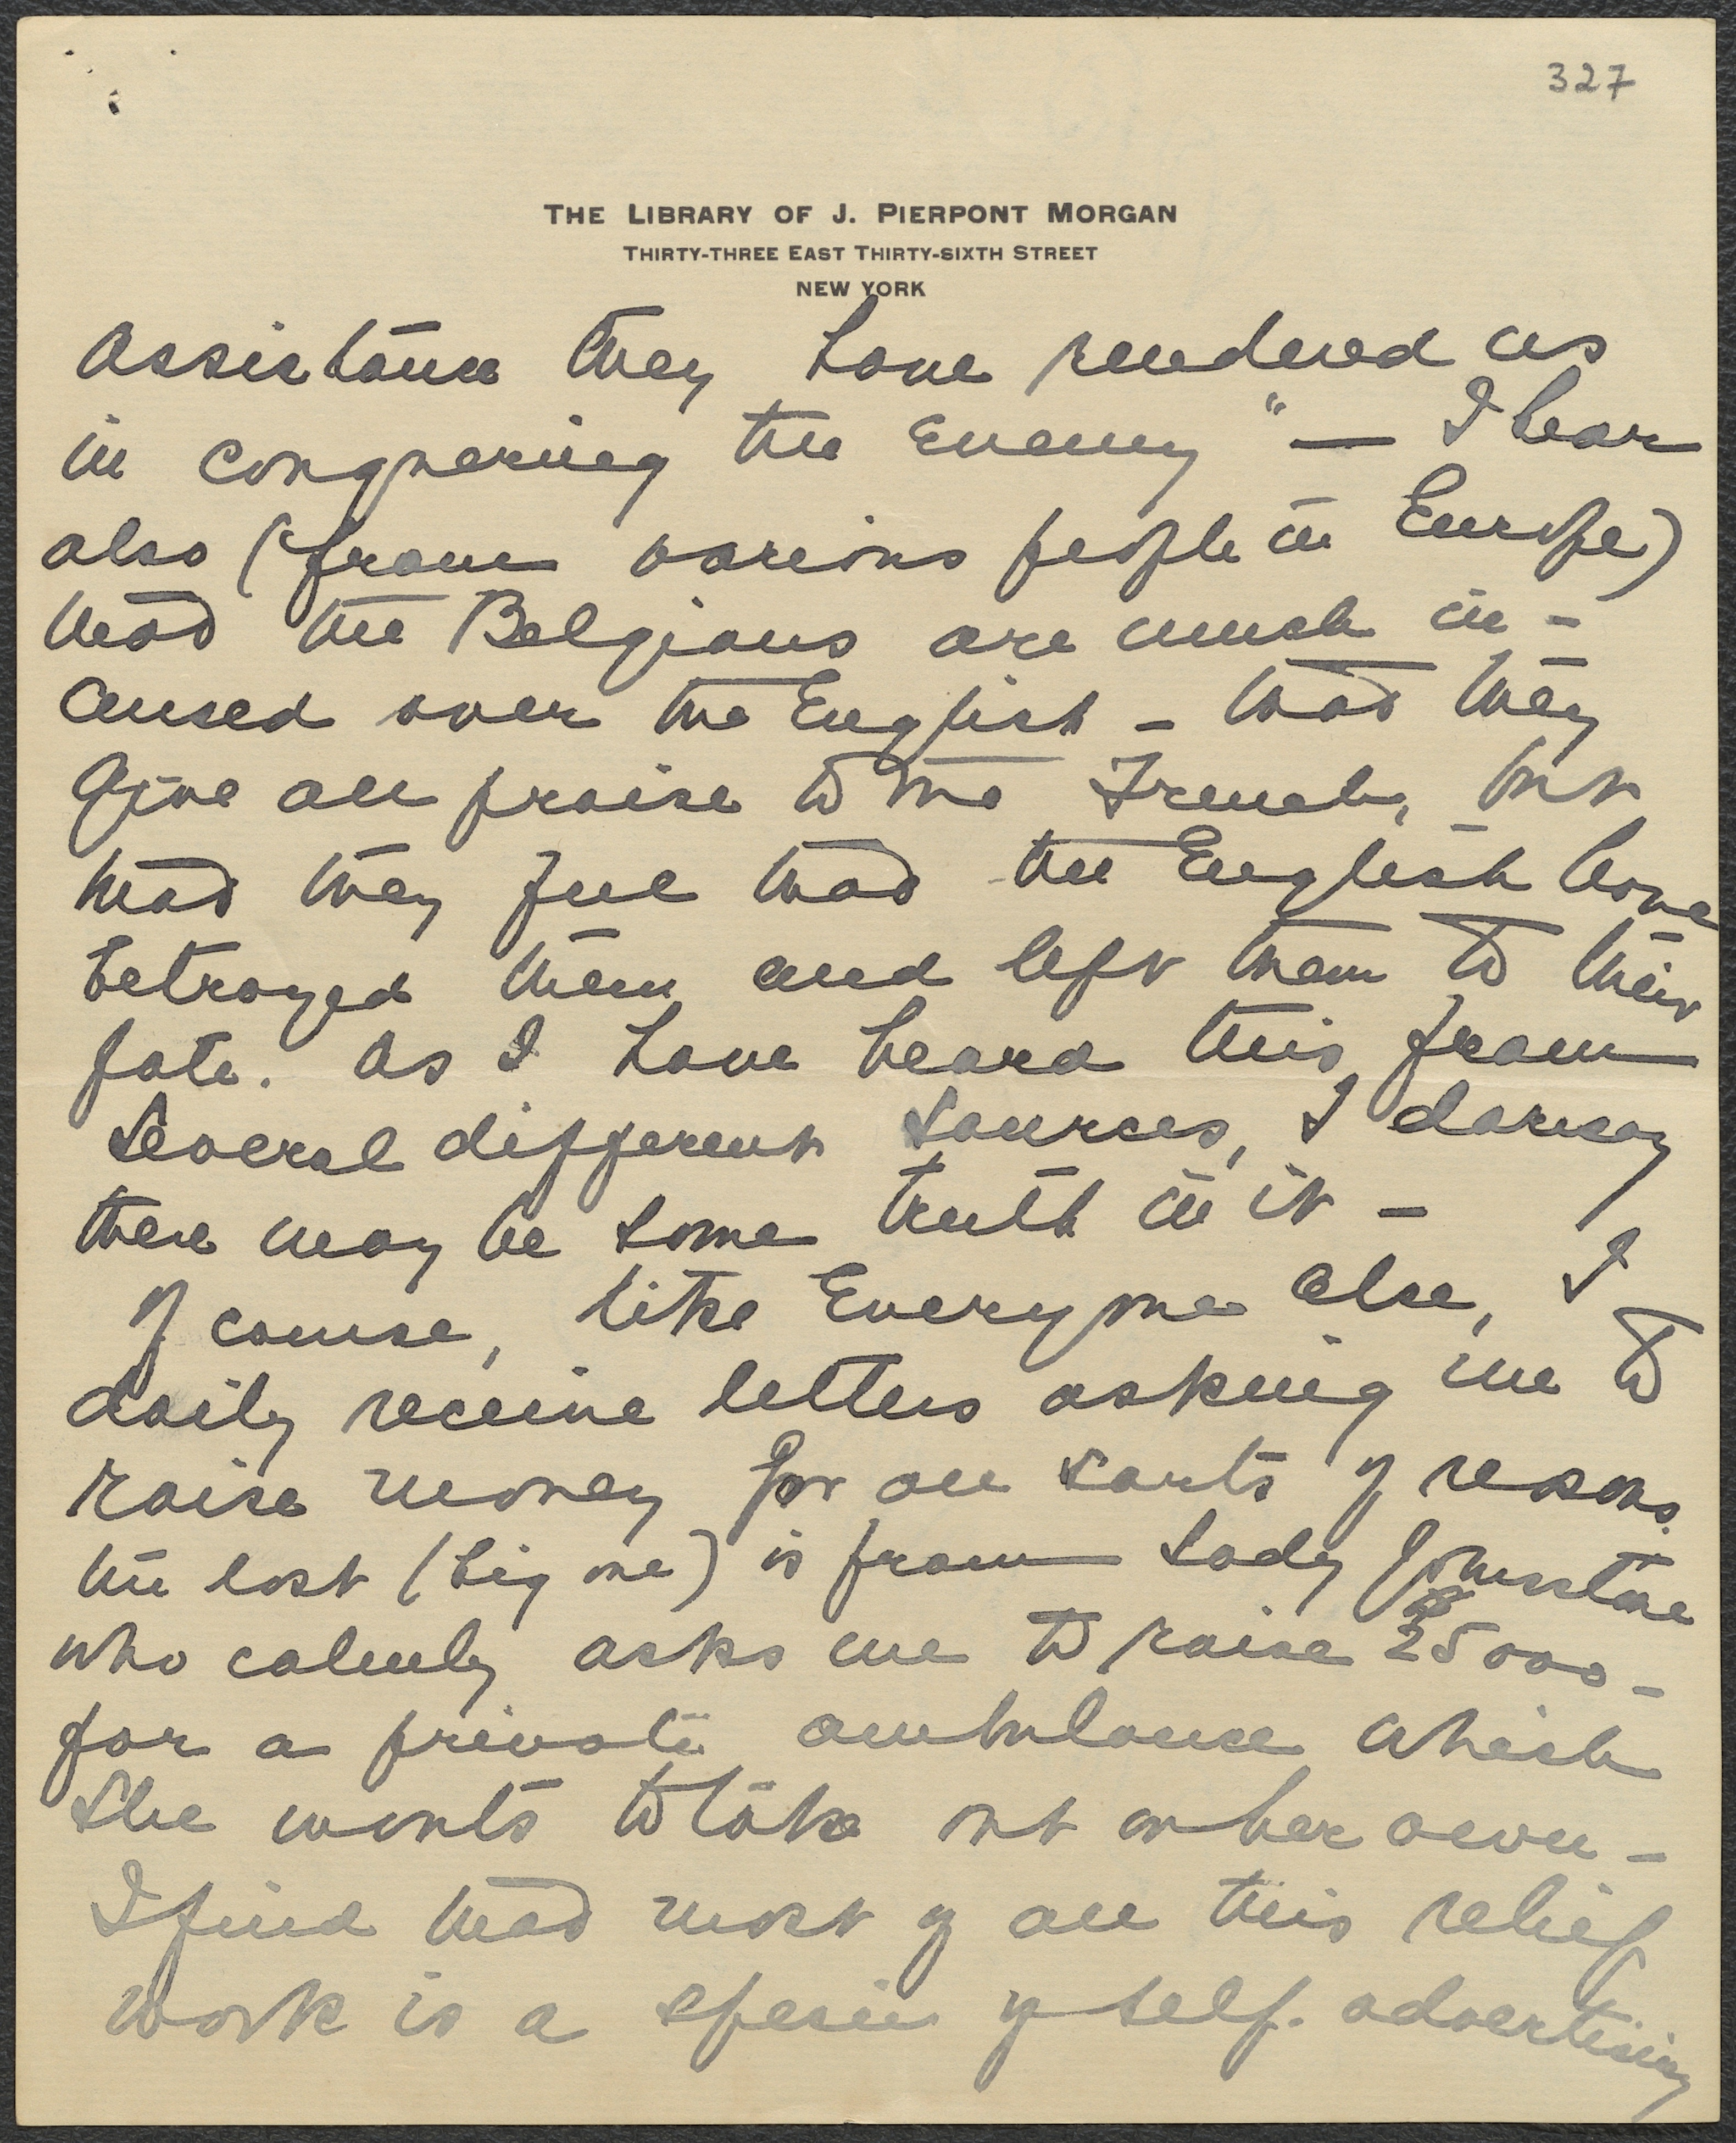assistance they have rendered as in conquering the enemy” – I hear also (from various people in Europe) that the Belgians are much incensed over the English – that they give all praise to the French, but that they feel that the English have betrayed them and left them to their fate. As I have heard this from several different sources, I daresay there may be some truth in it –
Of course, like everyone else, I daily receive letters asking me to raise money for all sorts of reasons. the last (big one) is from Lady Johnstone who calmly asks me to raise $25000 – for a private ambulance which she wants to take out on her own –
I find that most of all this relief work is a specie of self-advertising